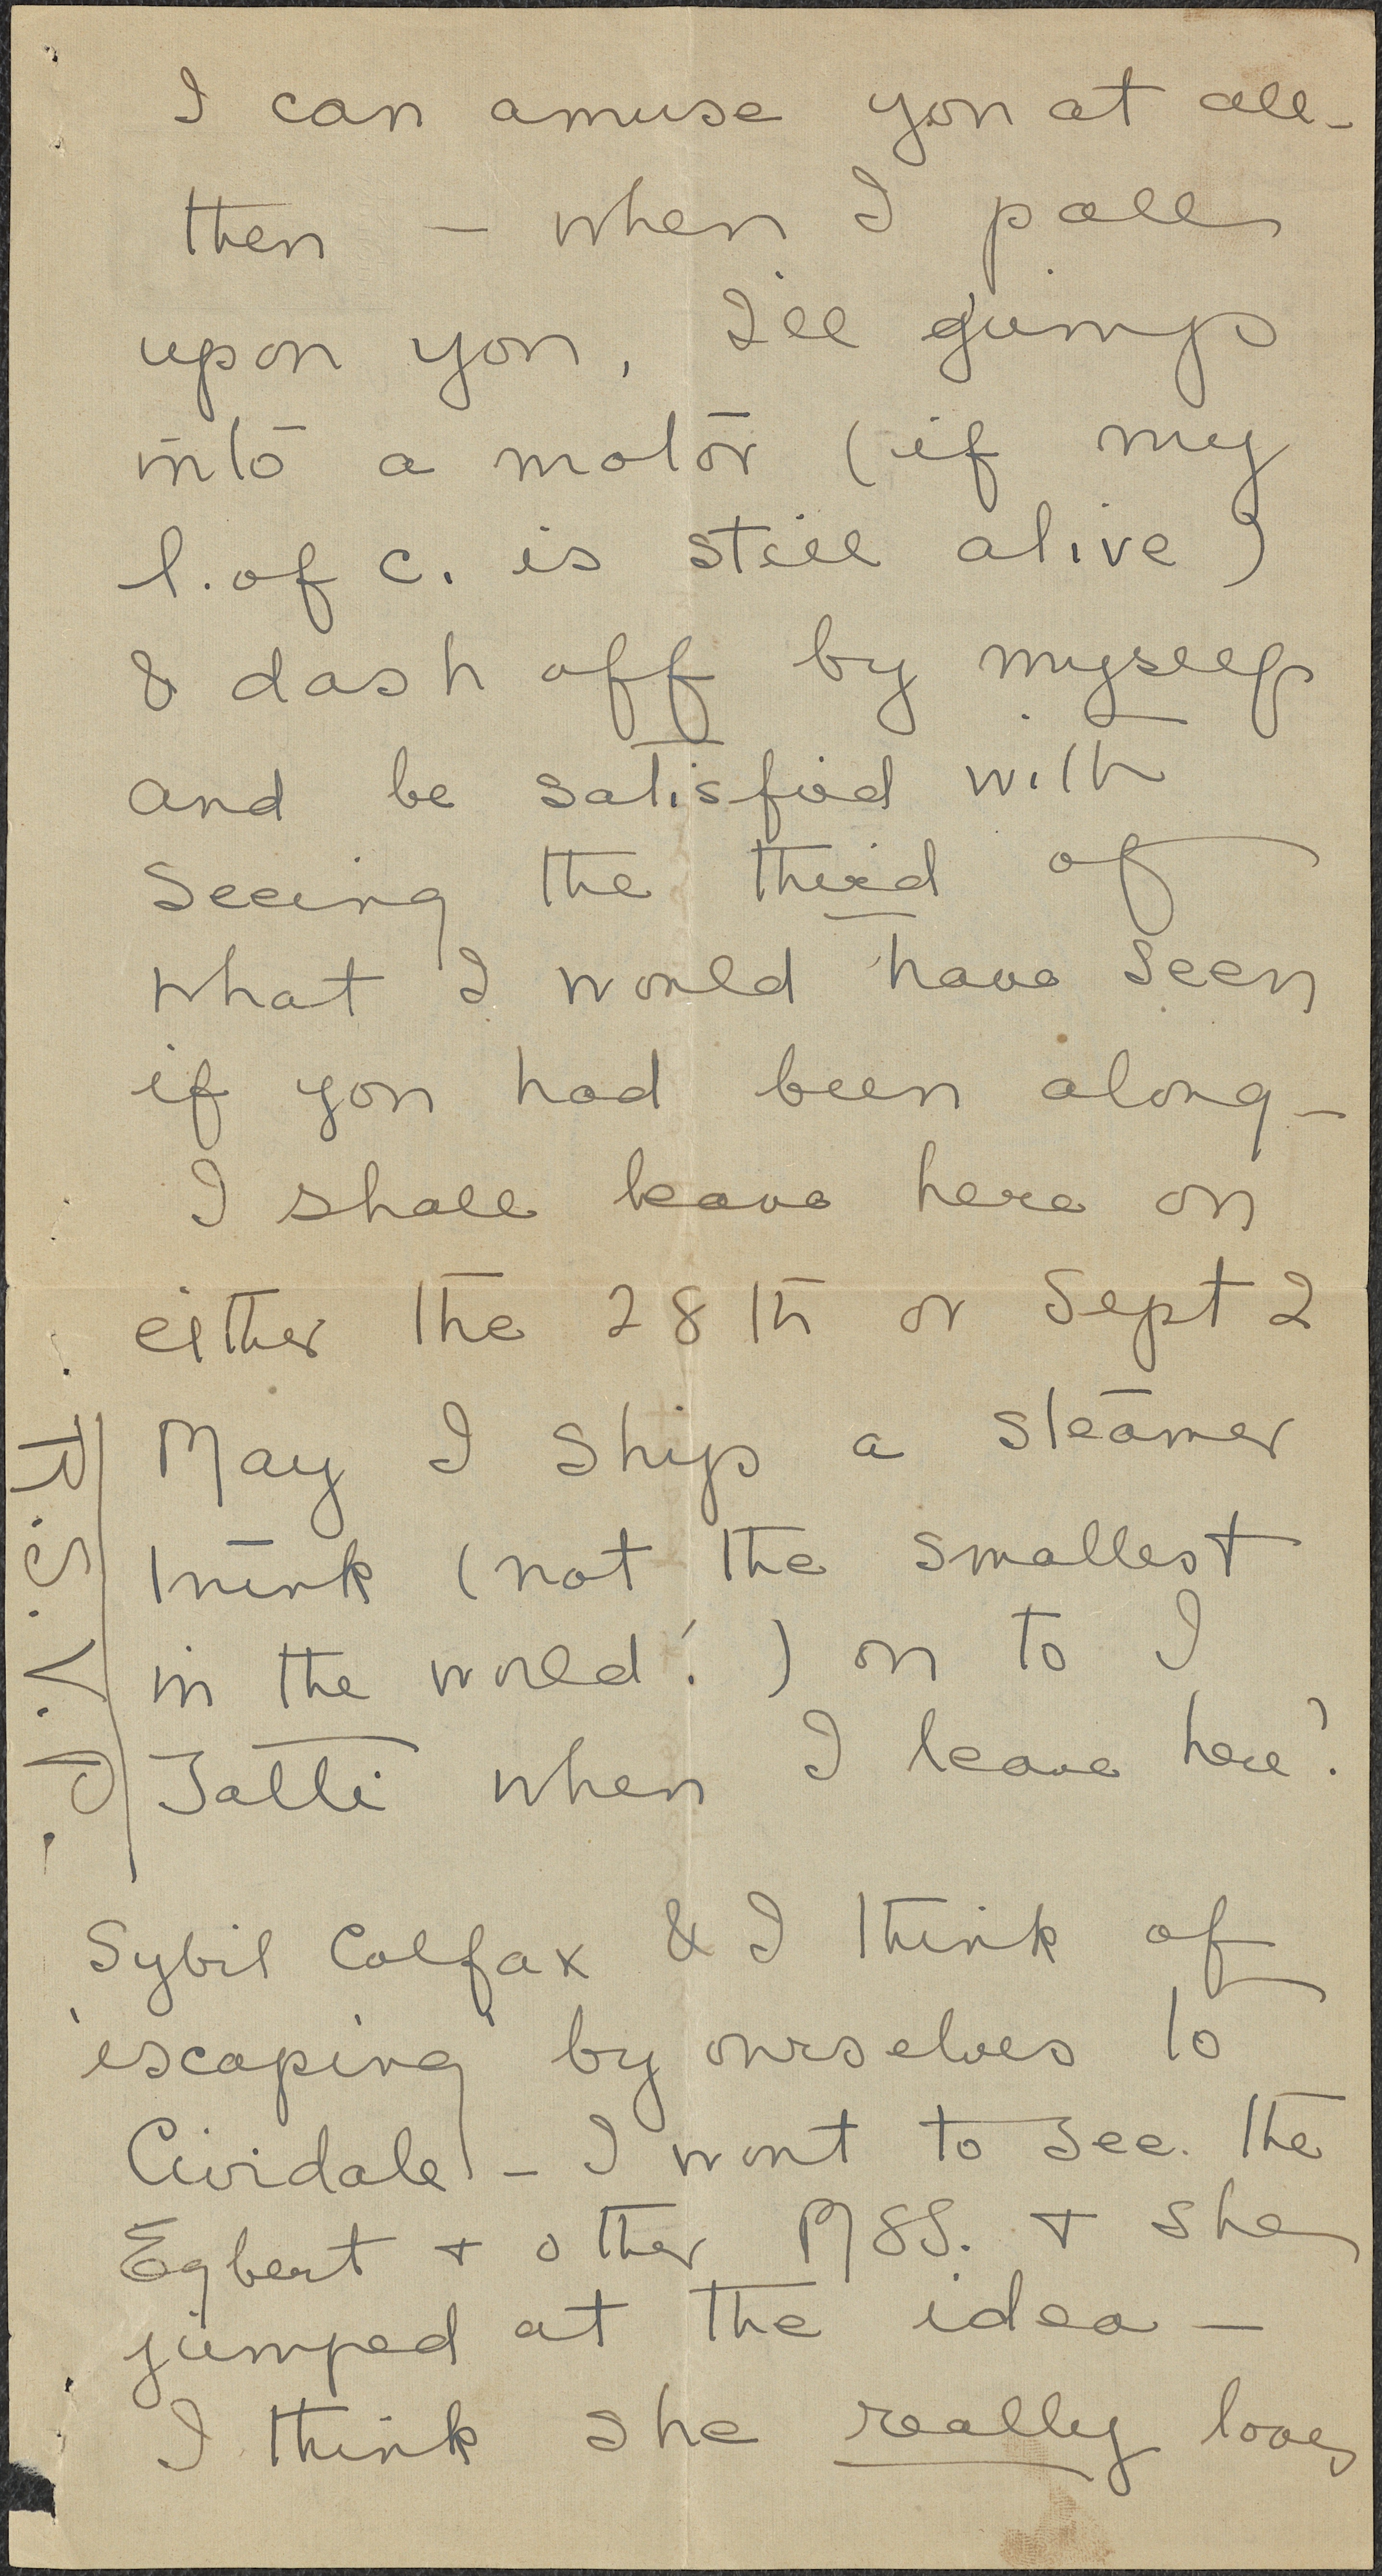I can amuse you at all – then – when I pall upon you, I’ll gjump into a motor (if my l. of c. is still alive) & dash off by myself and be satisfied with seeing the third of what I would have seen if you had been along –
I shall leave here on either the 28th or Sept 2
May I ship a steamer trunk (not the smallest in the world!) on to I Tatti when I leave here? [in the left margin: R.S.V.P.]
Sybil Colfax & I think of ‘escaping’ by ourselves to Cividale – I want to see the Egbert & other MSS. & she jumped at the idea –
I think she really loves